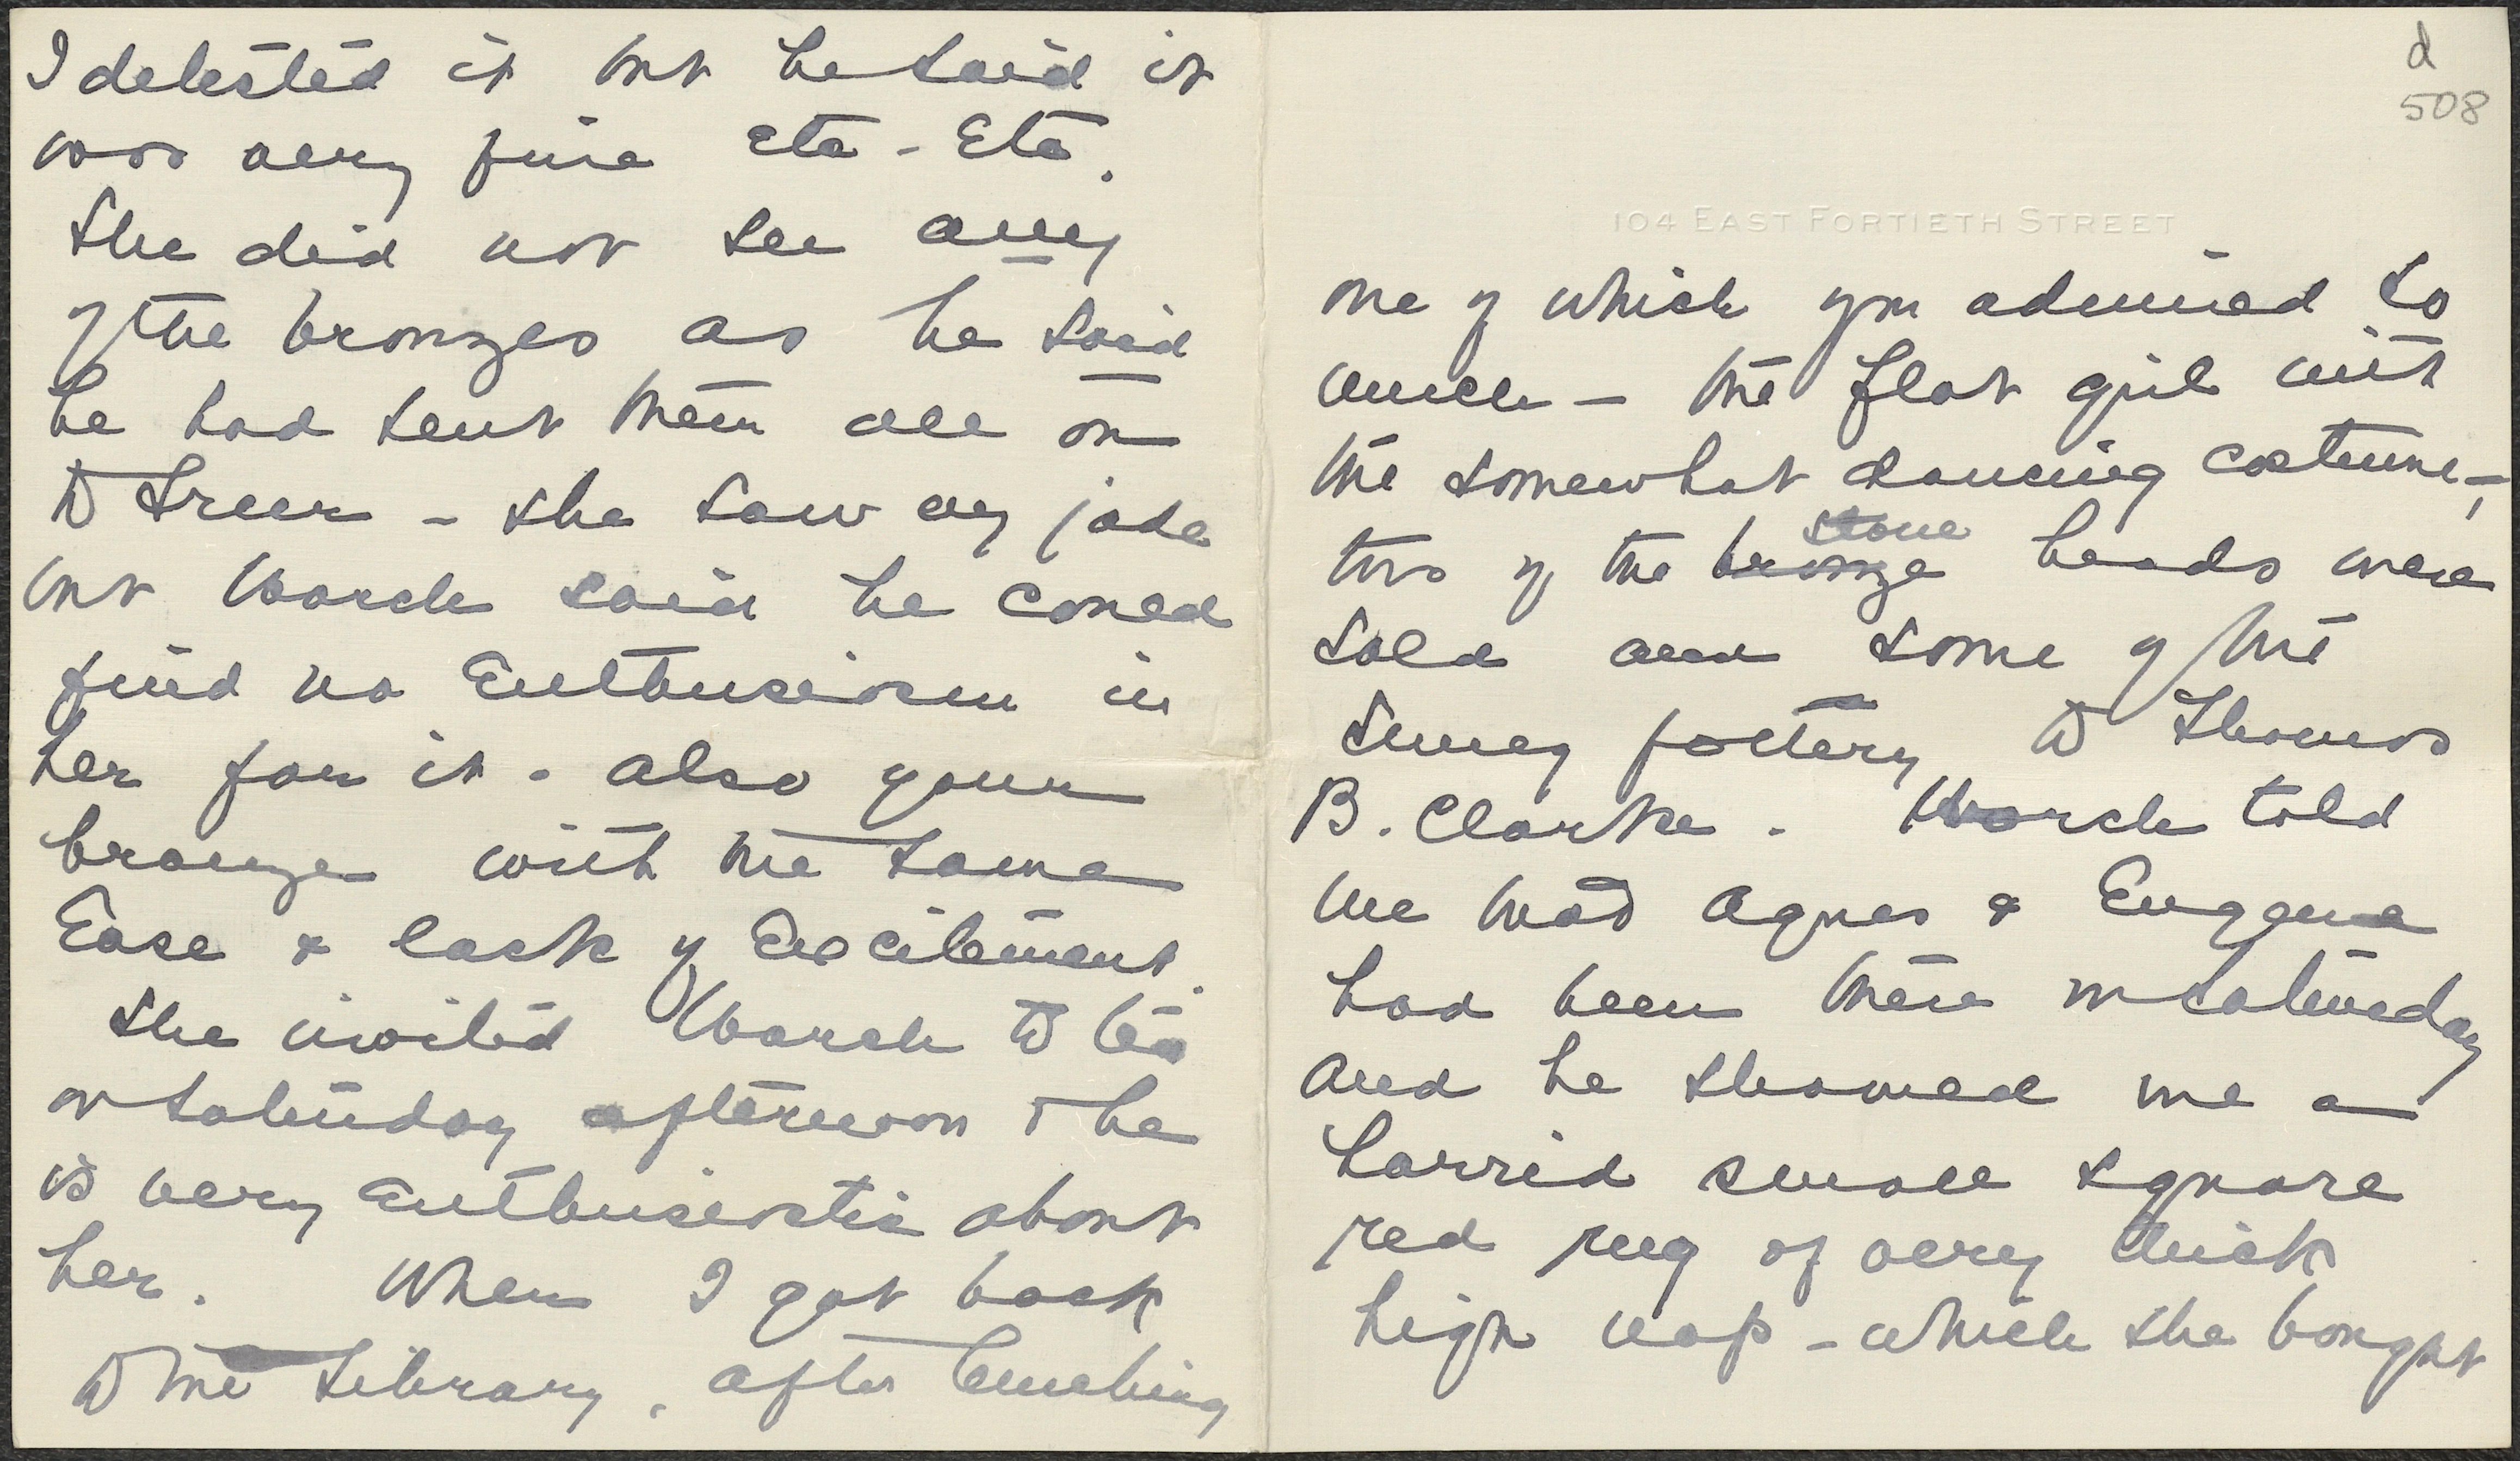one of which you admired so much – the flat girl with the somewhat dancing costume – two of the bronze [^stone^] heads were sold and some of the Song pottery to Thomas B. Clarke. Worch told me that Agnes & Eugene had been there on Saturday and he showed me a horrid small square red rug of very thick high nap – which she bought
I detested it but he said it was very fine etc – etc. She did not see any of the bronzes as he said he had sent them all on to Freer – she saw my jade but Worch said he could find no enthusiasm in her for it – also your bronze with the same ease & lack of excitement. She invited Worch to tea on Saturday afternoon & he is very enthusiastic about her. When I got back to the Library, after lunching